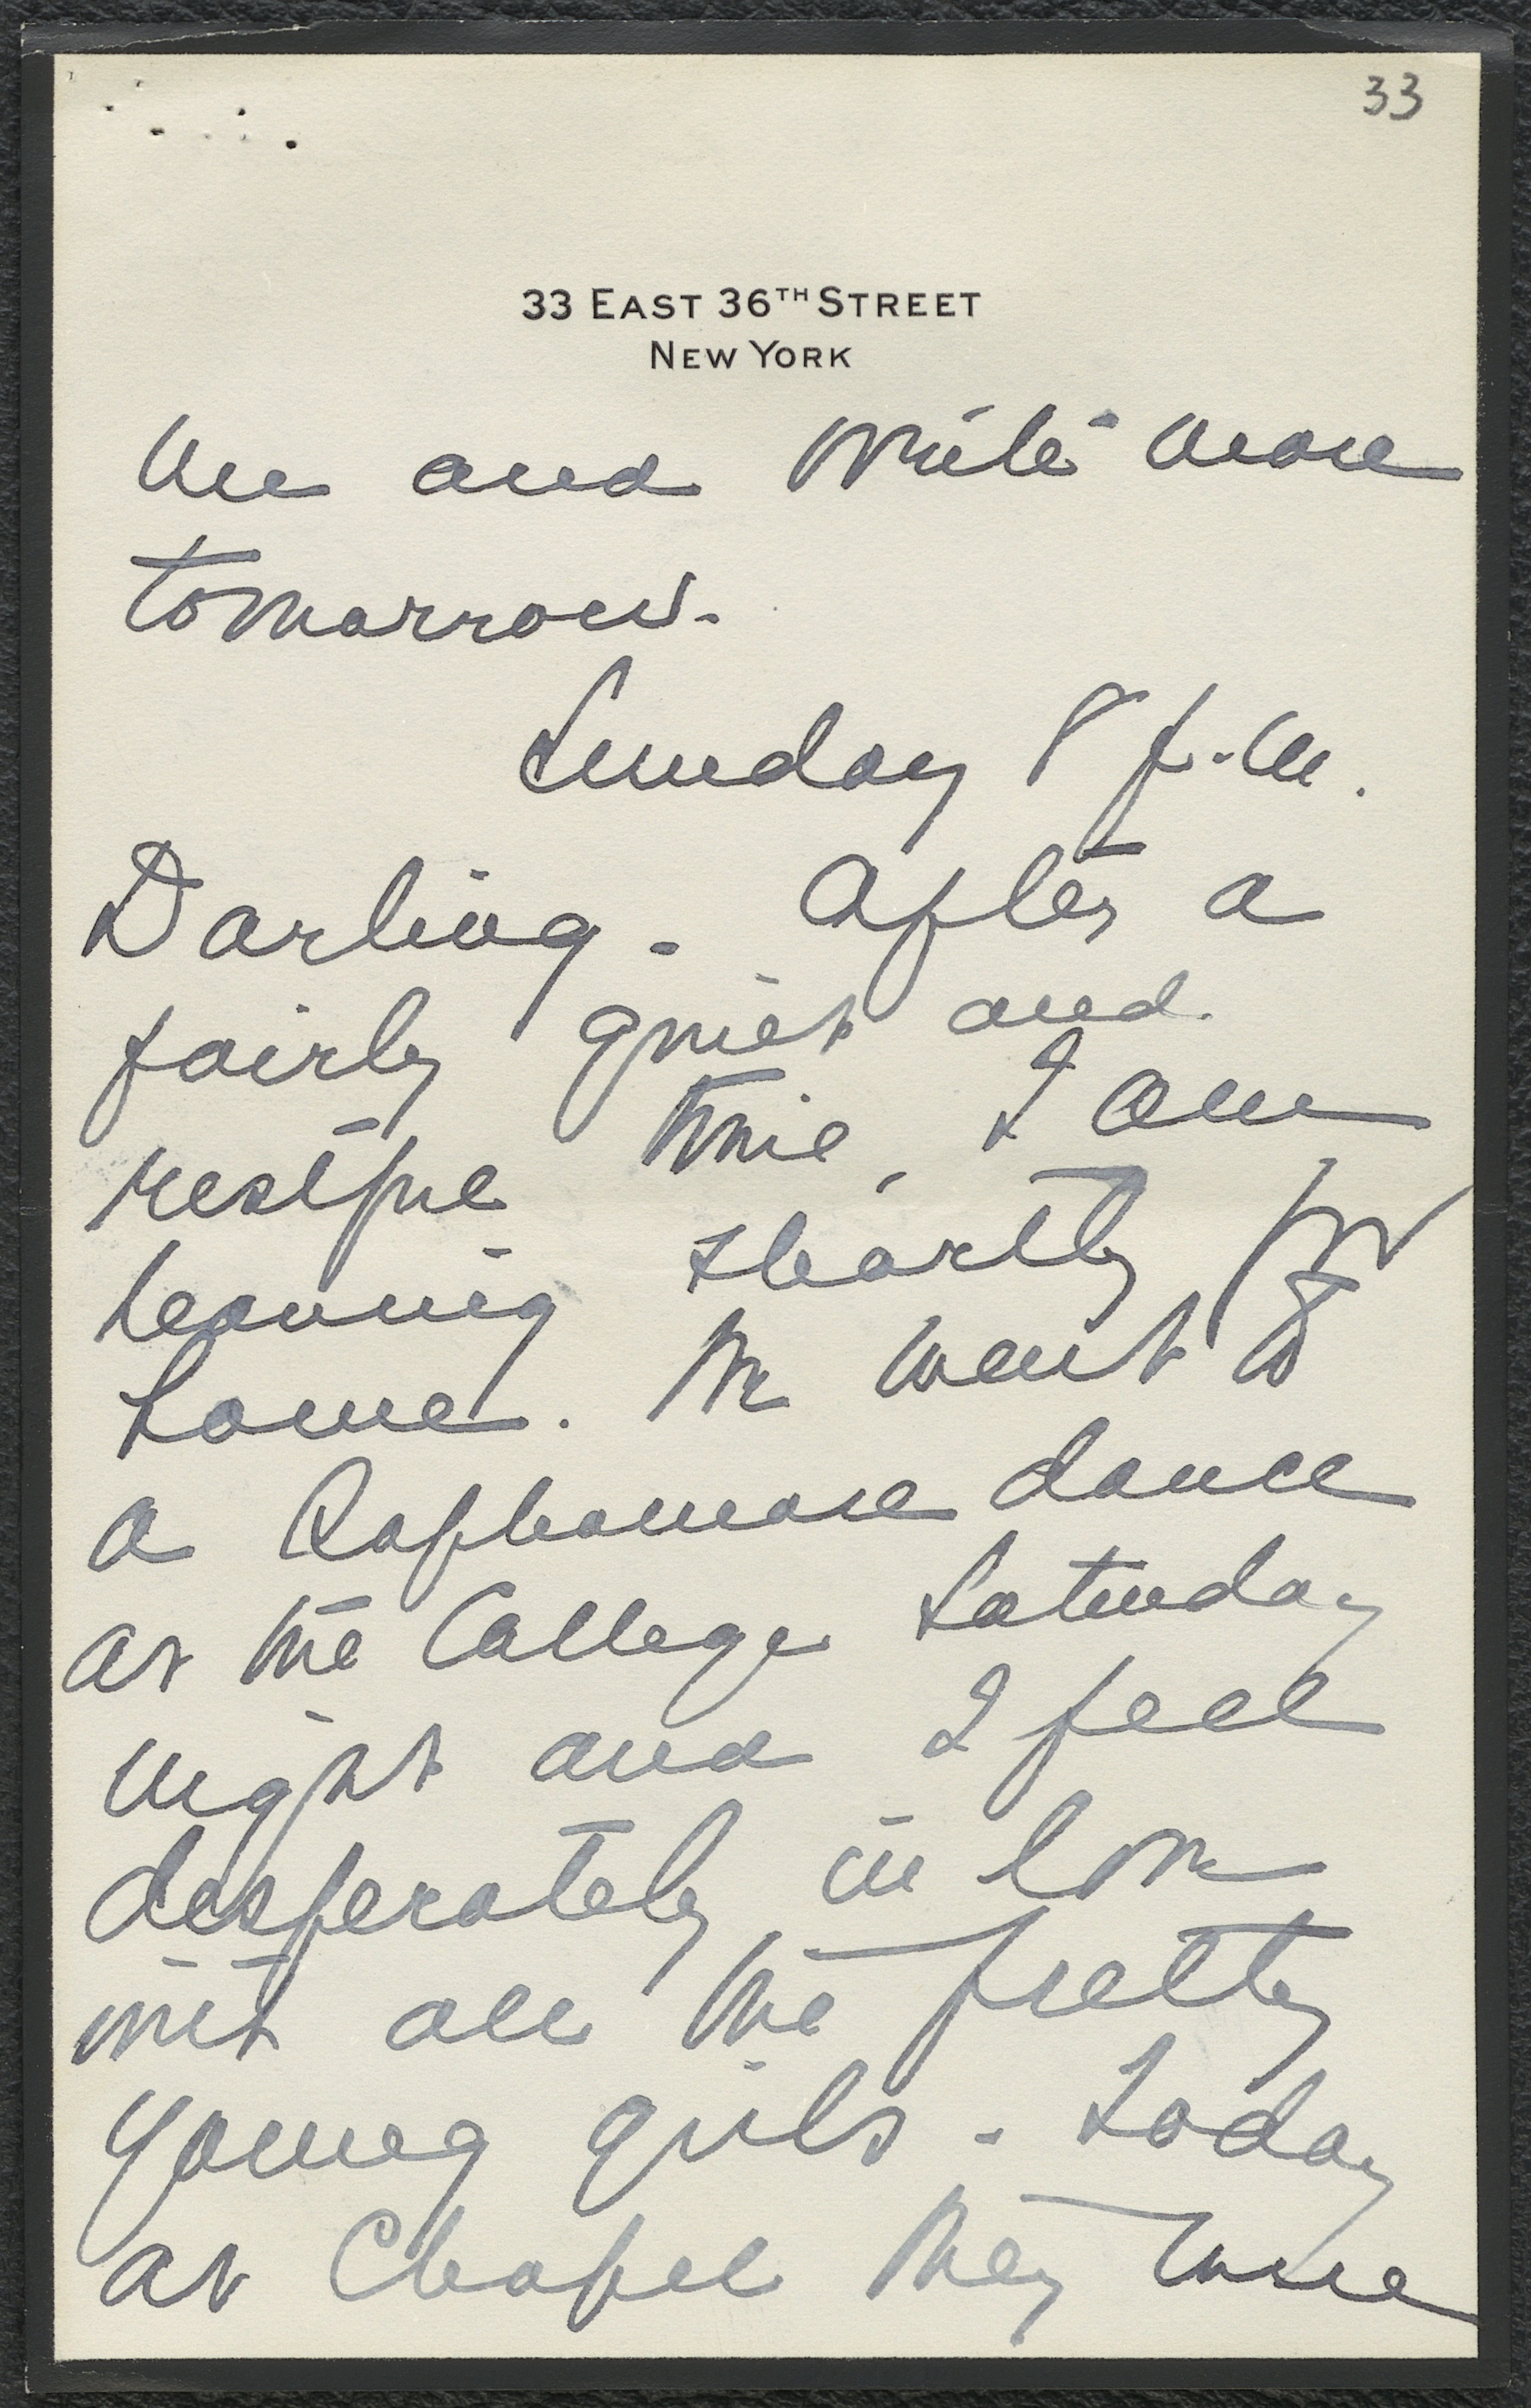me and write more tomorrow.
Sunday 8 p.m.
Darling – after a fairly quiet and restful time, I am leaving shortly for home. We went to a sophomore dance at the college Saturday night and I fell desperately in love with all the pretty young girls. Today at chapel they were